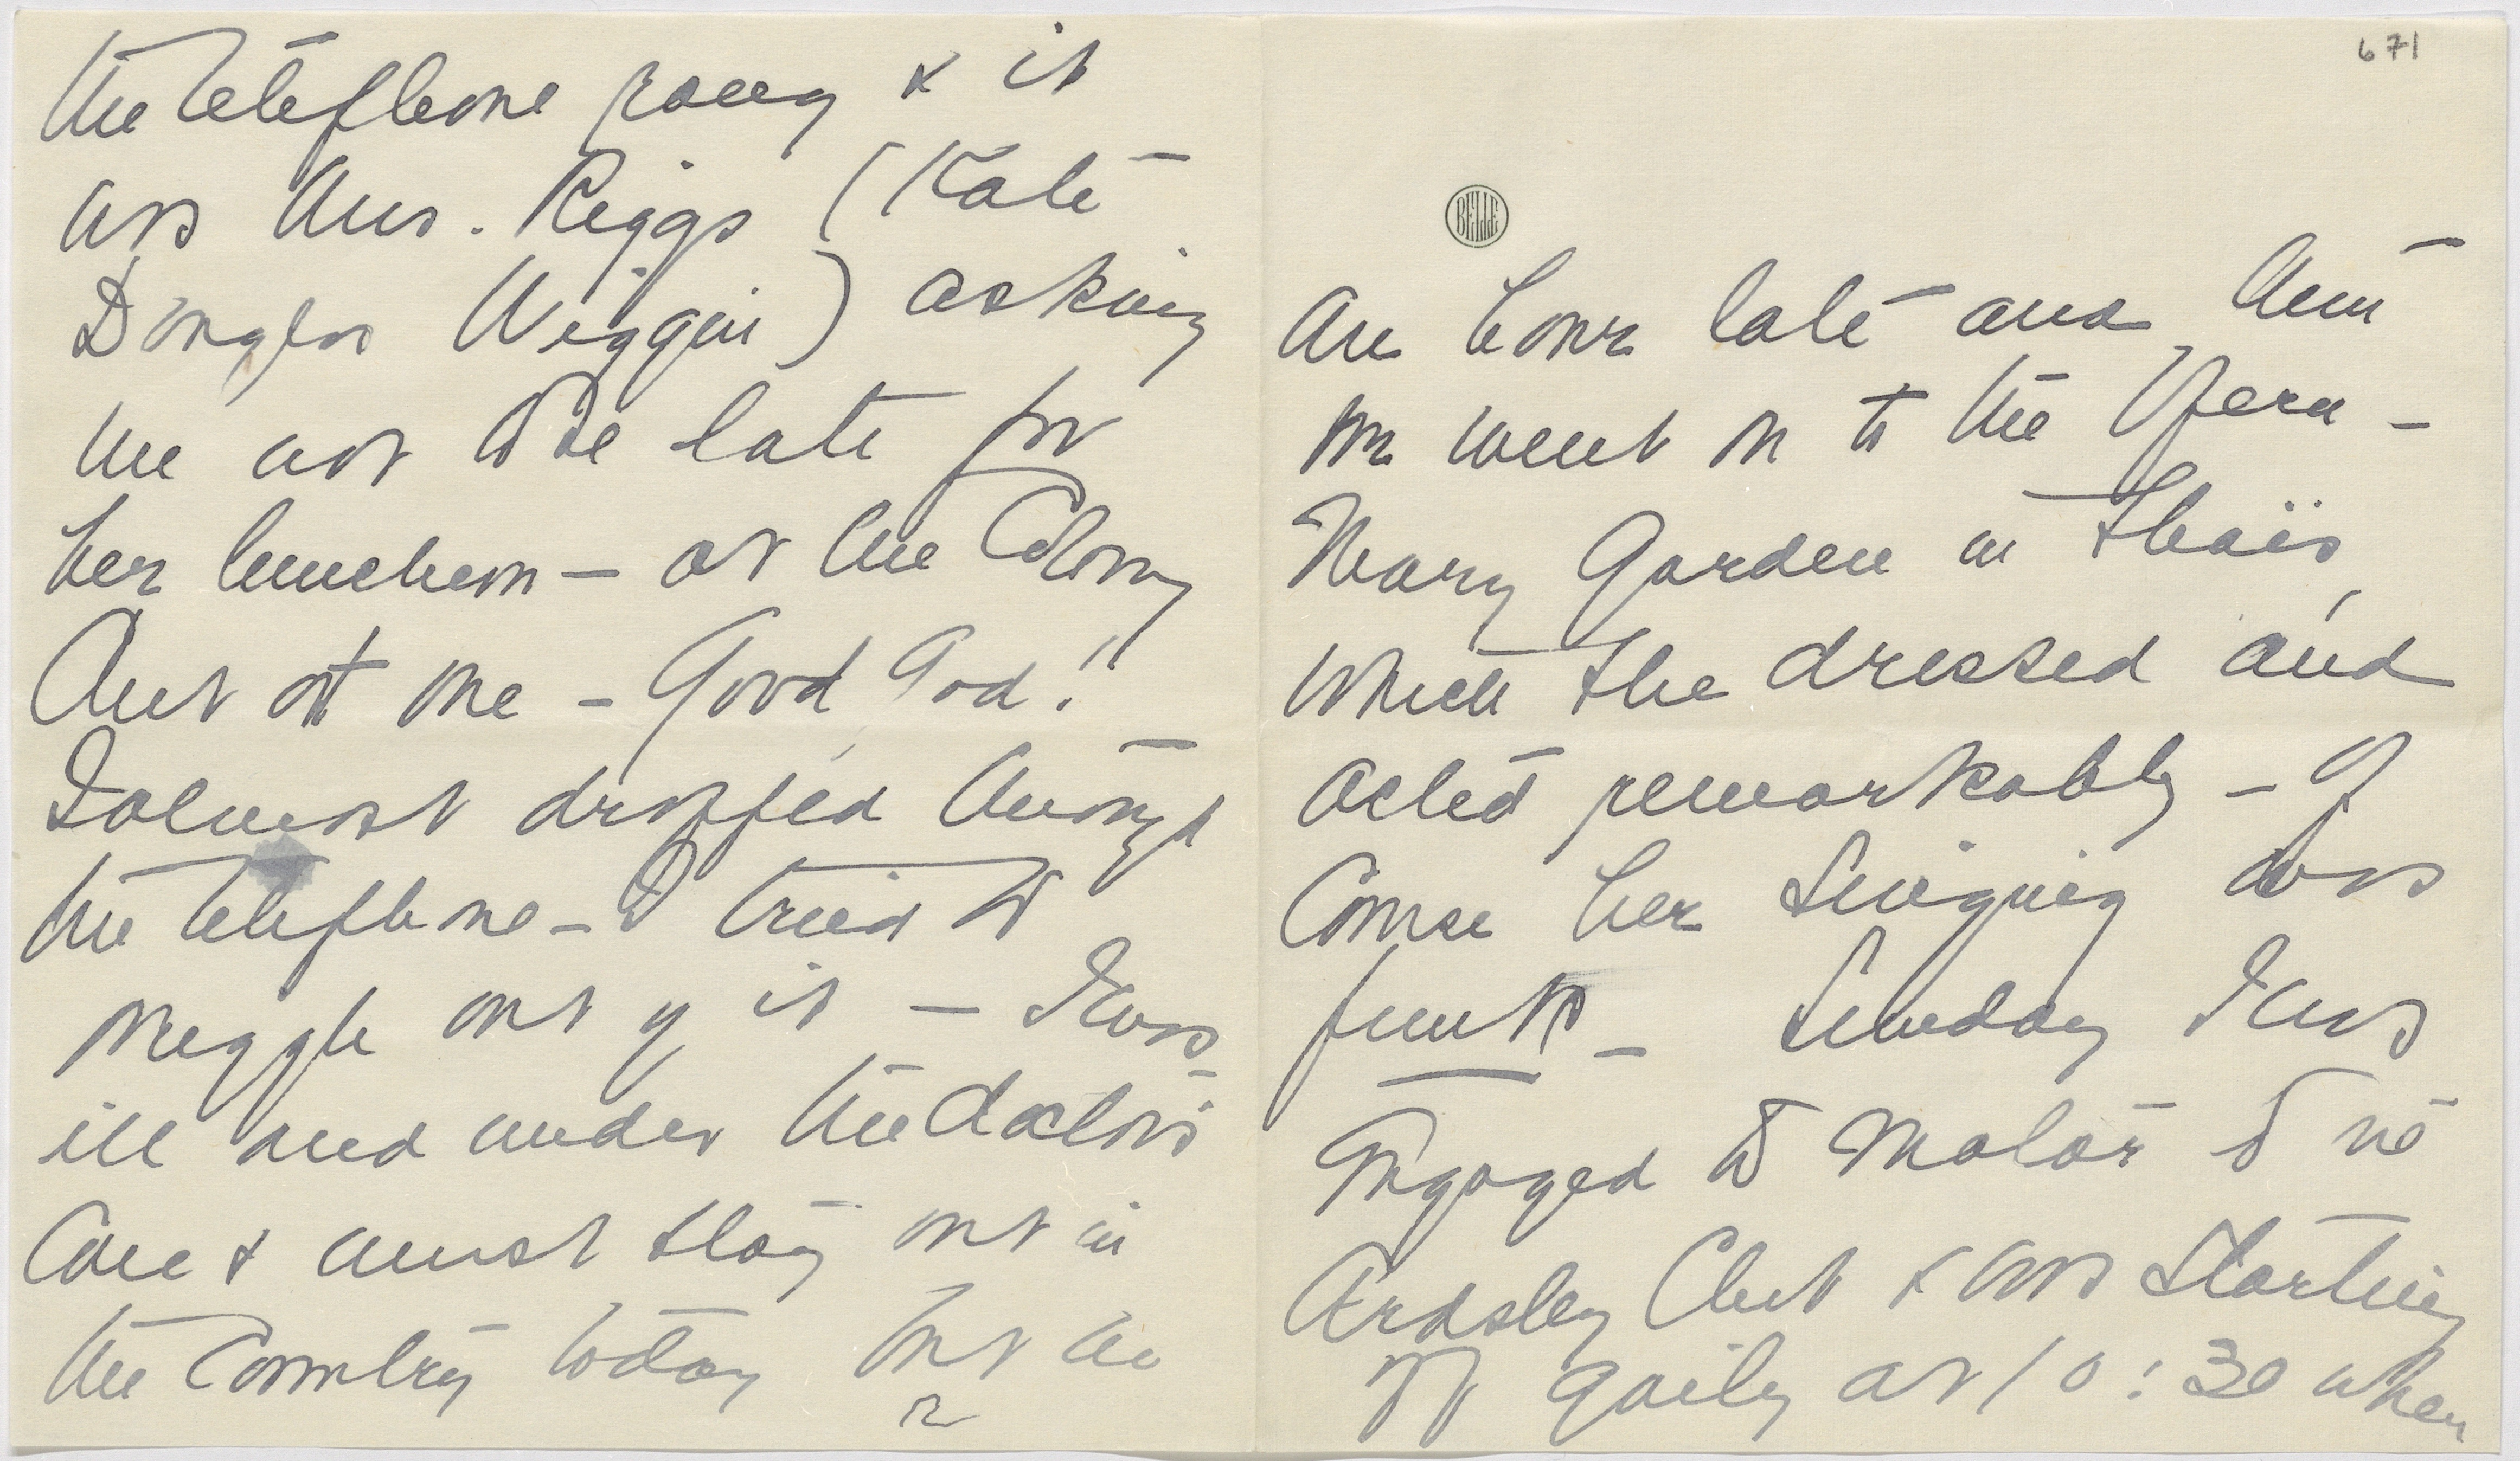an hour late and then we went on to the Opera – Mary Garden in Thaïs, which she dressed and acted remarkably – of course her singing was punk – Sunday I was Engaged to motor to the Ardsley Club & was starting off gaily at 10:30 when
the telephone rang & it was Mrs. Riggs (Kate Douglas Wiggin) asking me not to be late for her luncheon – at the Colony Club at one – Good God!
I almost dropped through the telephone – I tried to wriggle out of it – I was ill and under the doctor’s care & must stay out in the country today but no